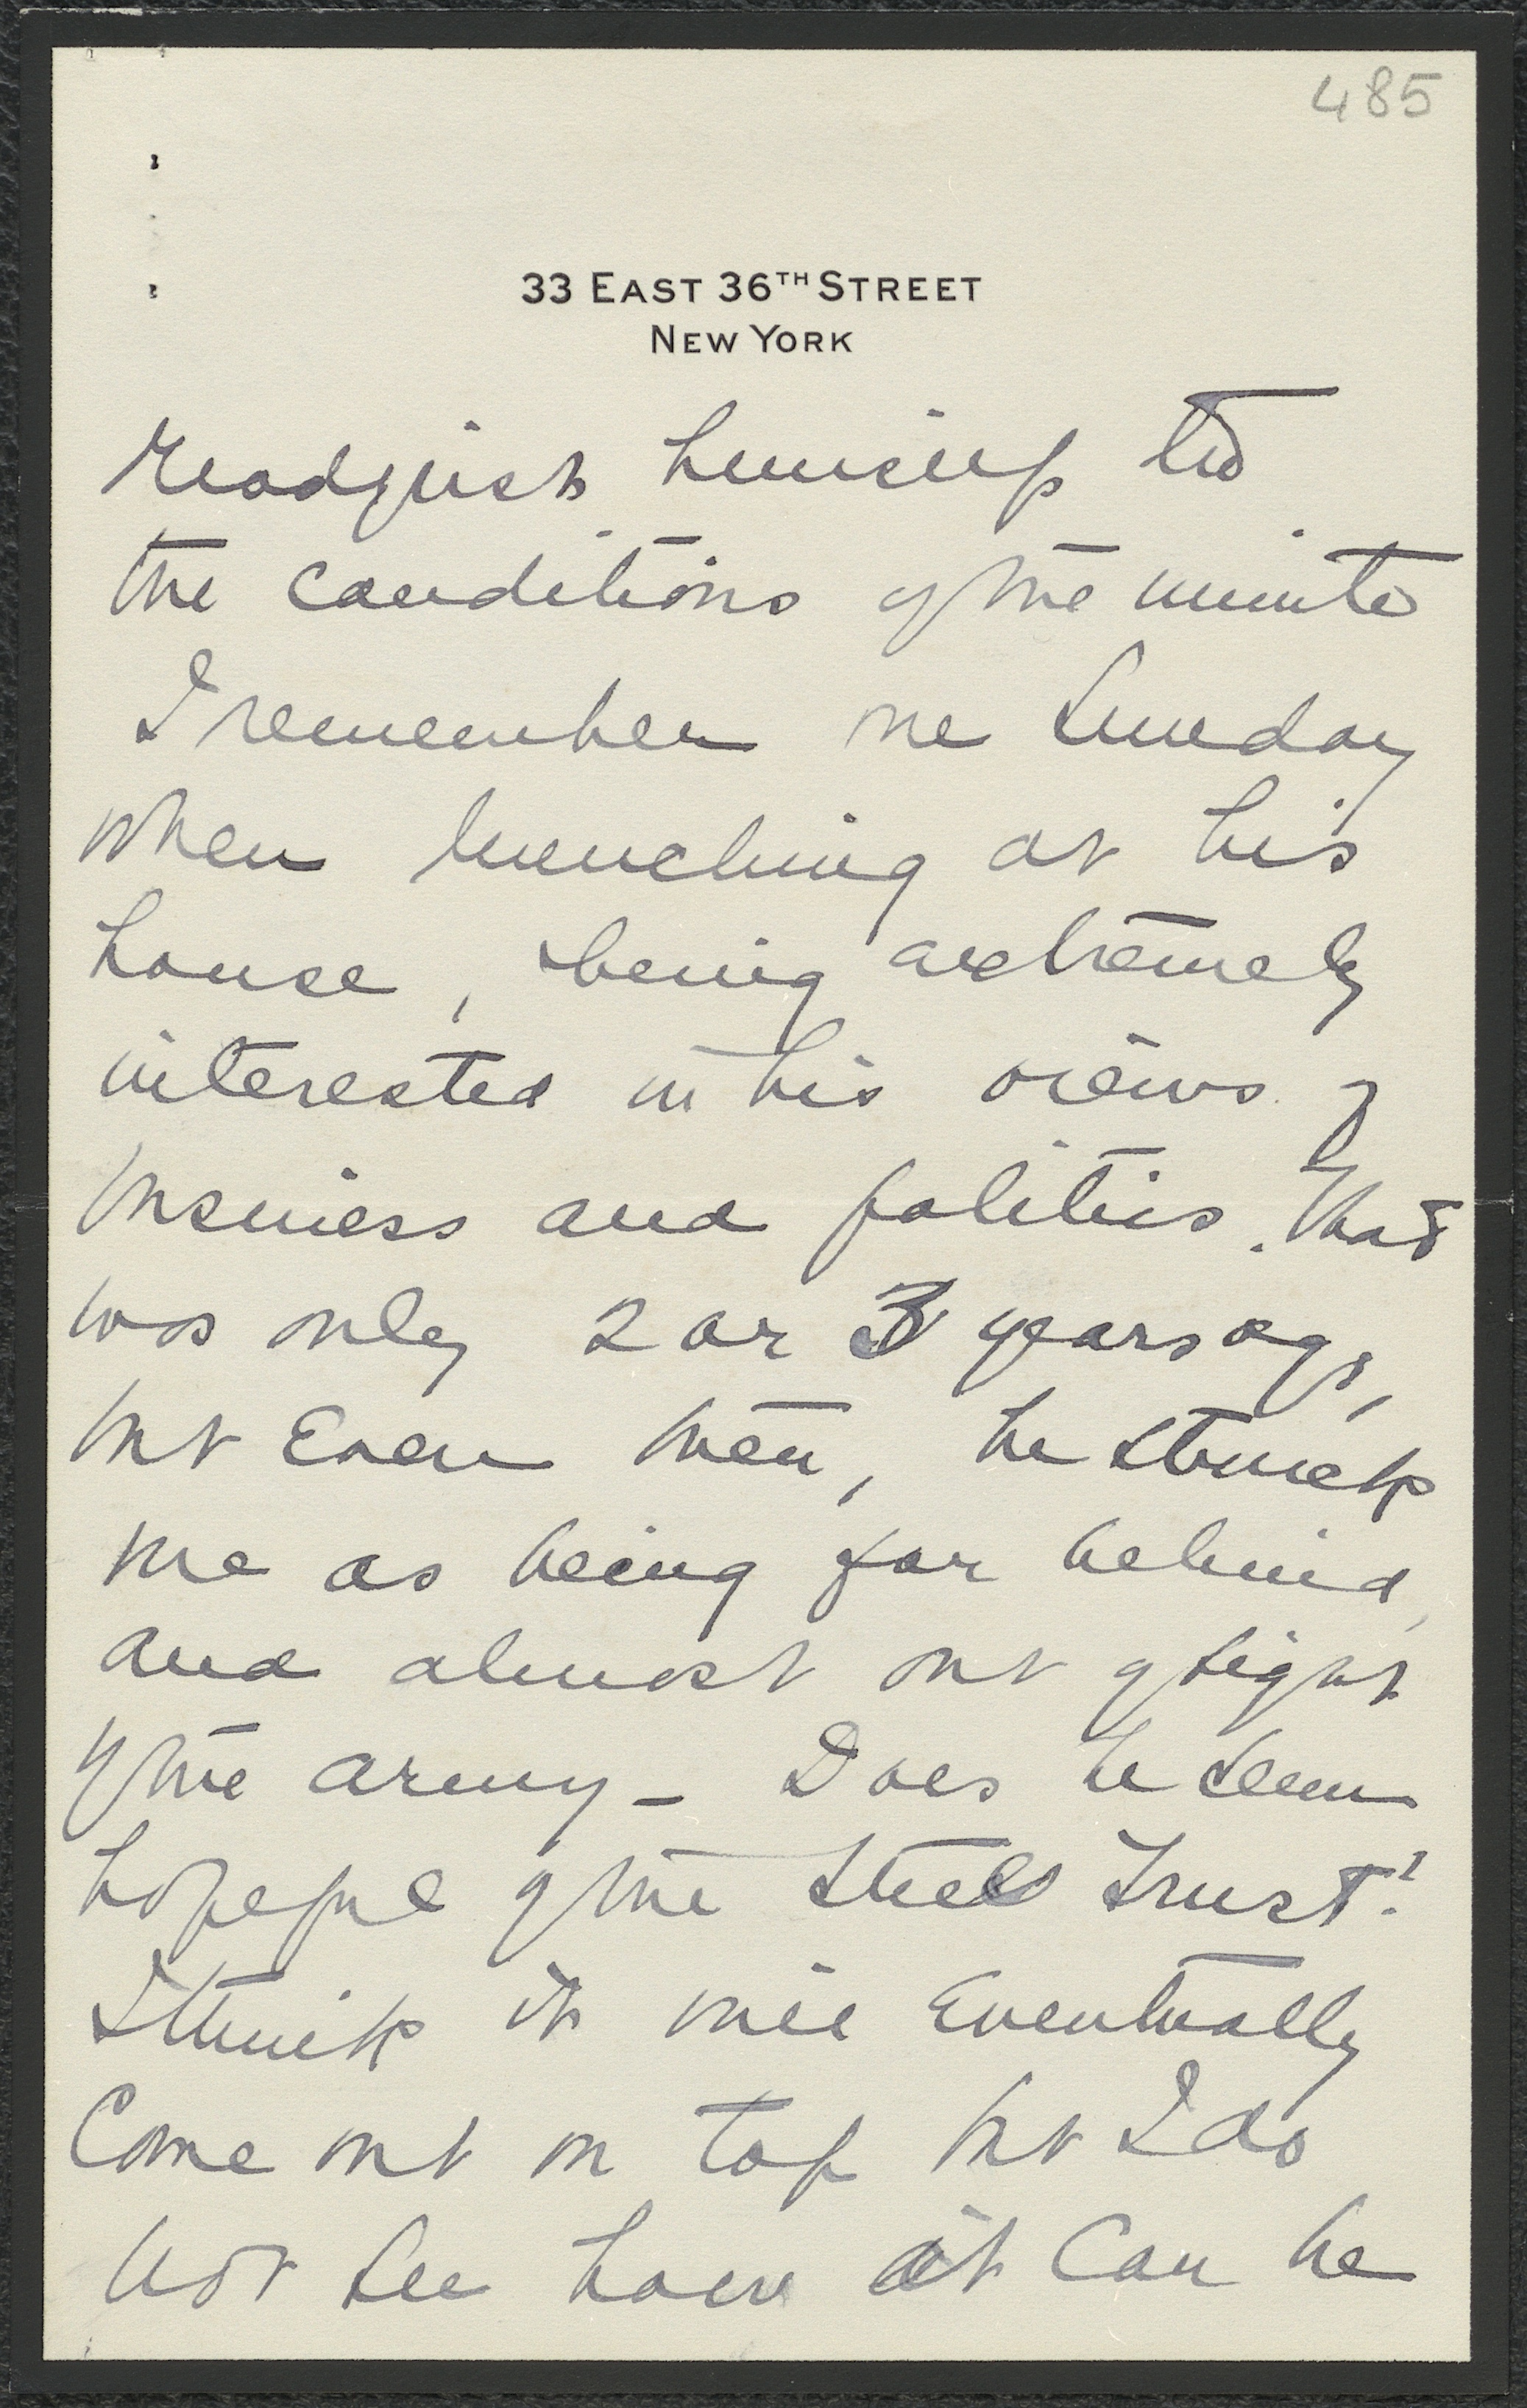readjust himself to the conditions of the minute
I remember one Sunday when lunching at his house, being extremely interested in his views of business and politics. That was only 2 or 3 years ago, but even then, he struck me as being far behind and almost out of sight of the army – Does he seem hopeful of the Steel Trust? I think it will eventually come out on top but I do not see how it can be